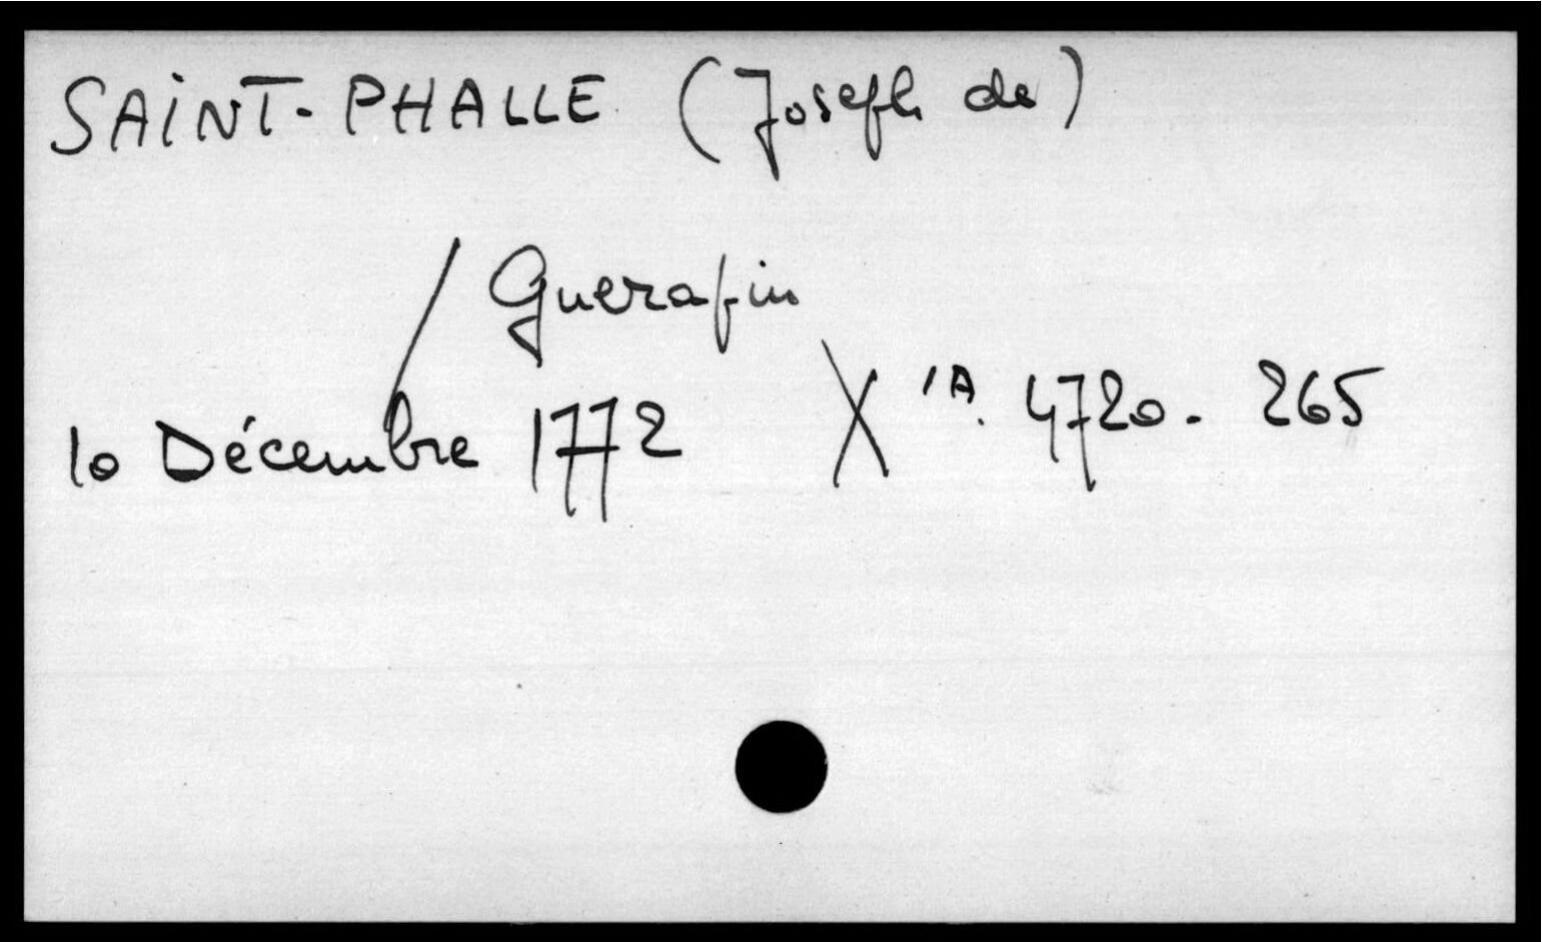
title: SAINT-PHALLE (Joseph de)
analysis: Contre Guerafin
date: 10 décembre 1772
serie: X1A
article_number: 4720
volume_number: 265
